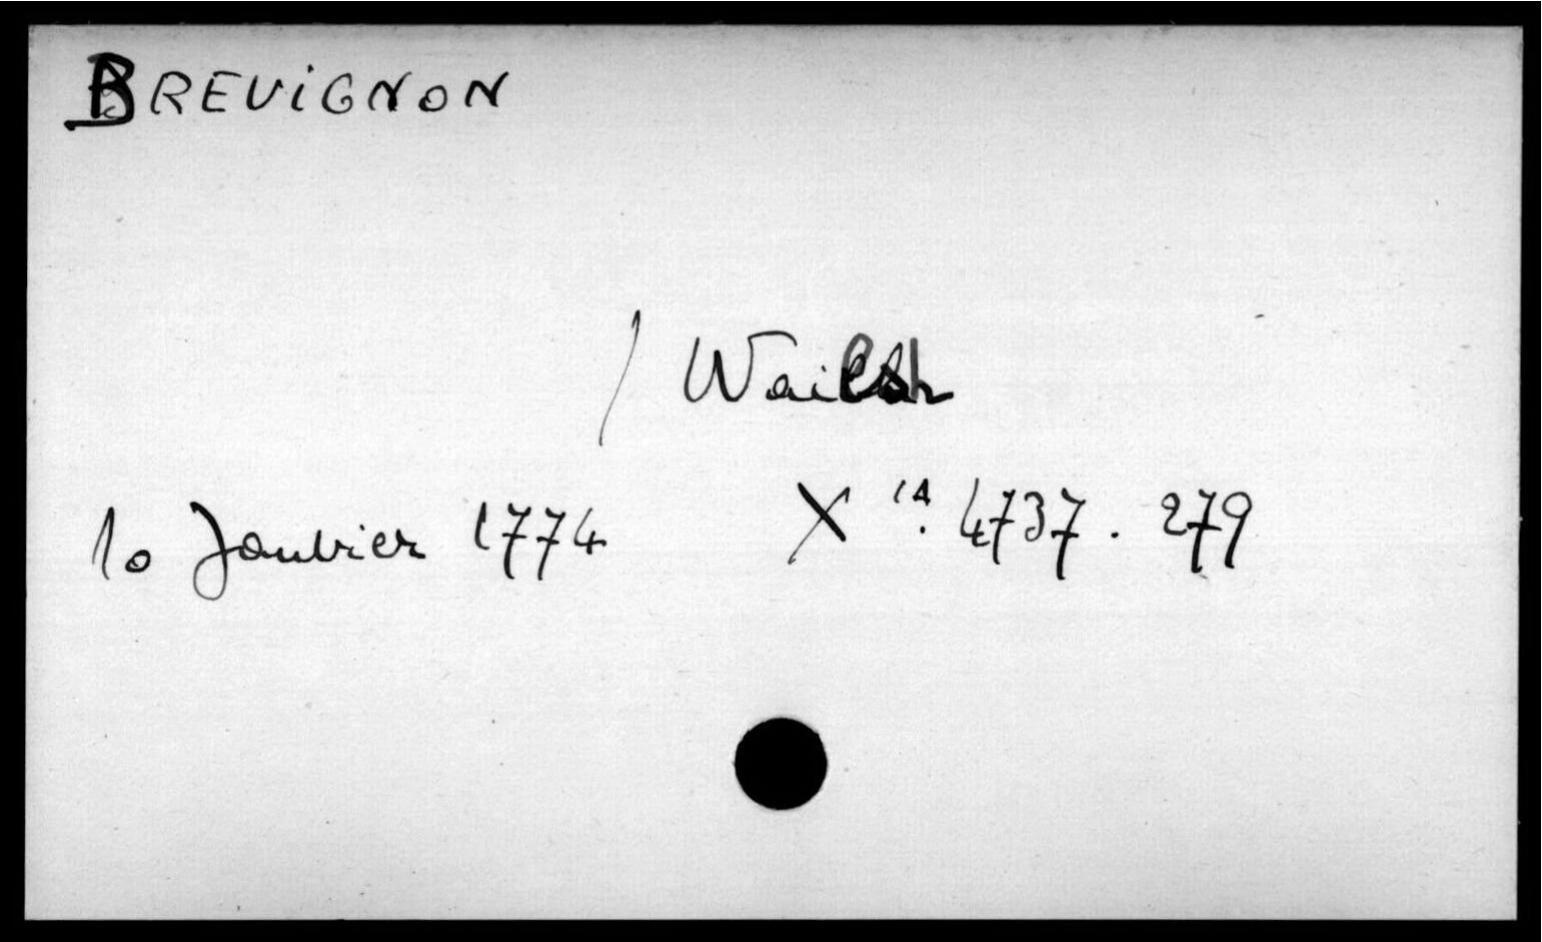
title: BREVIGNON
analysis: Contre Wailsh
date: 10 janvier 1774
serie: X1A
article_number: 4737
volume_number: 279
